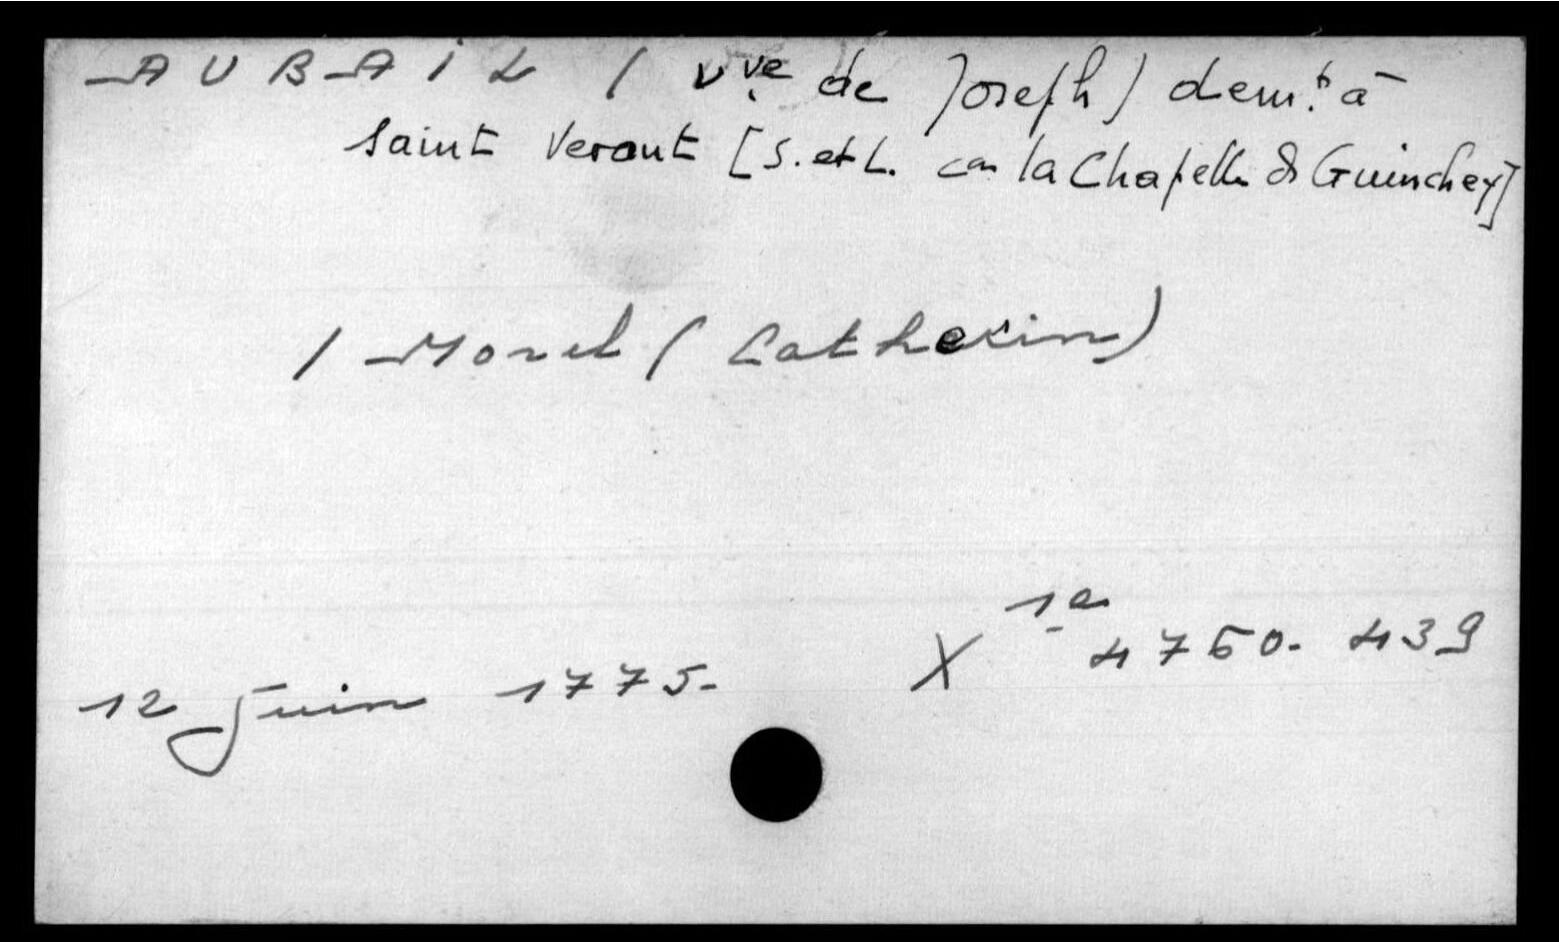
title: AUBAIL (Veuve de Joseph) demeurant à Saint-Verant [Saône-et-Loire, canton la Chapelle de Guinchey]
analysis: Contre Morel (Catherine)
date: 12 juin 1775
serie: X1a
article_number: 4760
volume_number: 439
